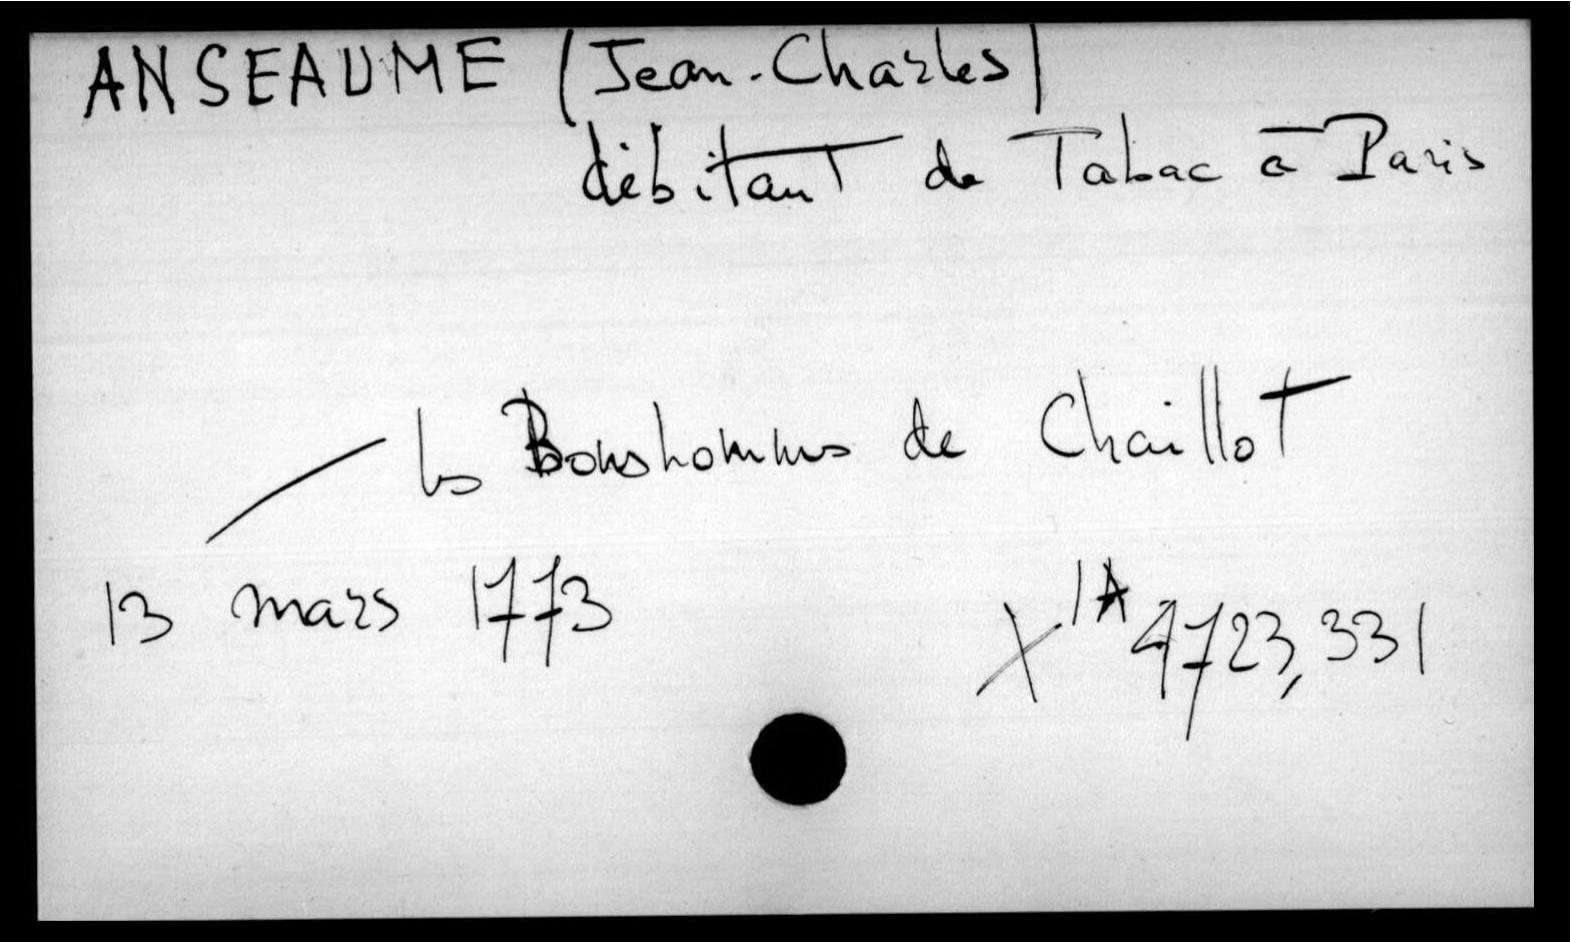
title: mars ANSEAUME (Jean-Charles) débitant de tabac à Paris
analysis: Contre les Bonshommes de Chaillot
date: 13 mars 1773
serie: X1A
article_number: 4723
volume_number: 331
